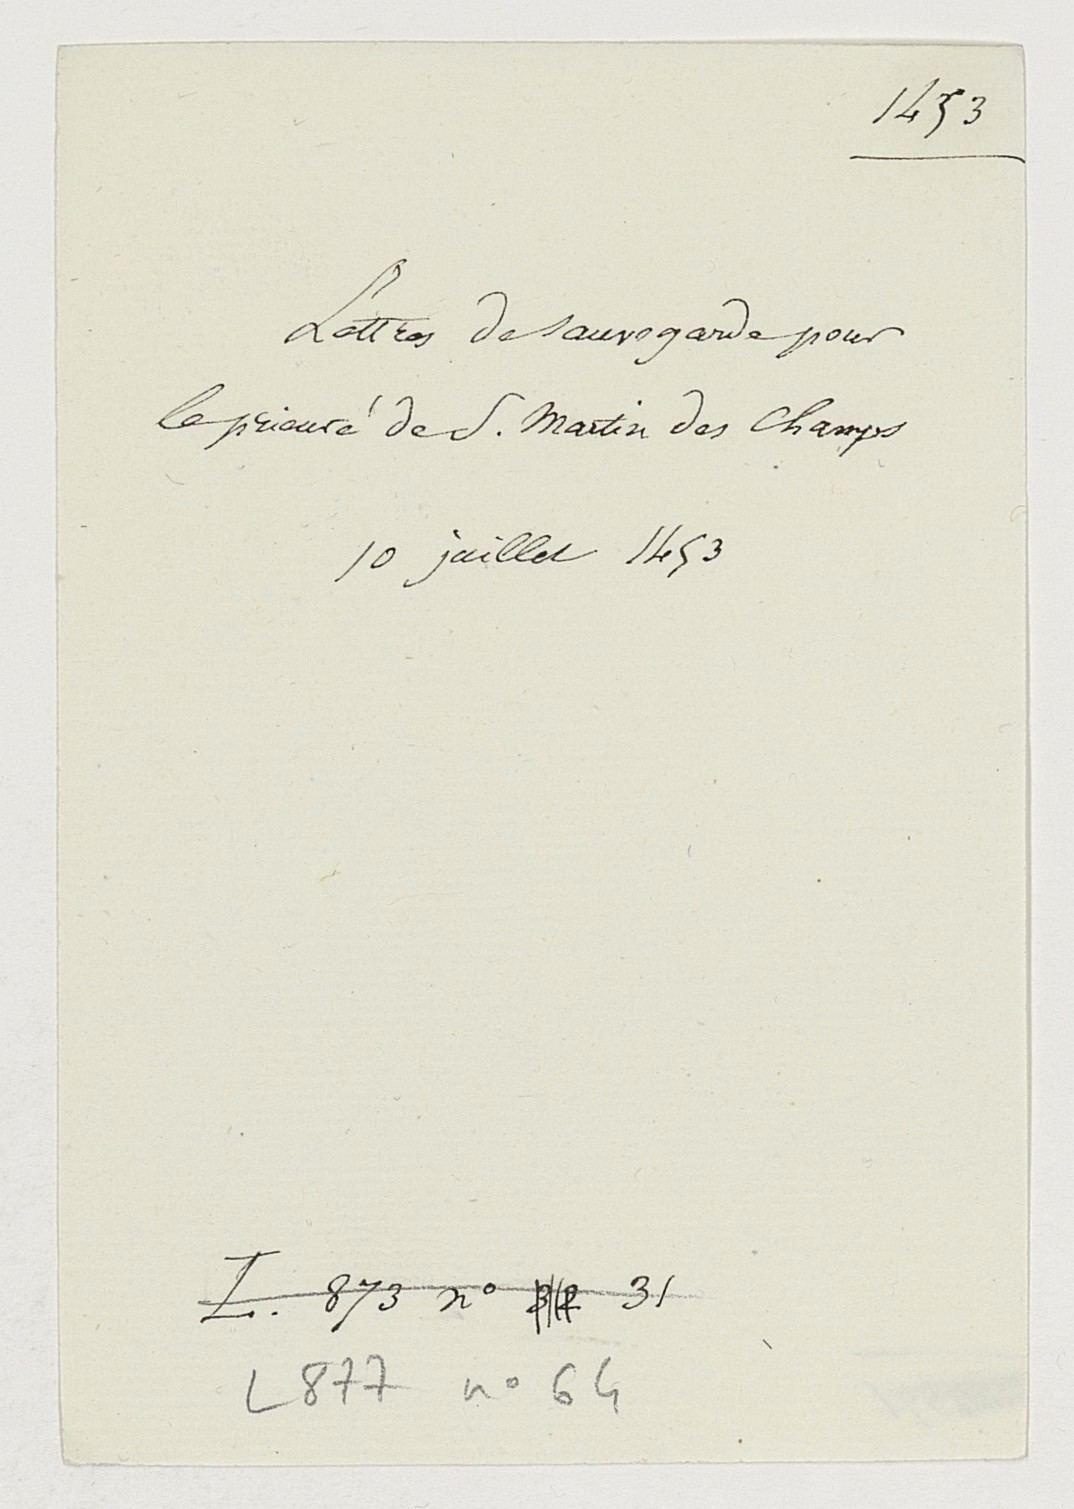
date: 1453
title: Lettres de sauvegarde pour le prieuré de Saint-Martin des Champs
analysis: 10 juillet 1453
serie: L
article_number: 877
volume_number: n° 64
